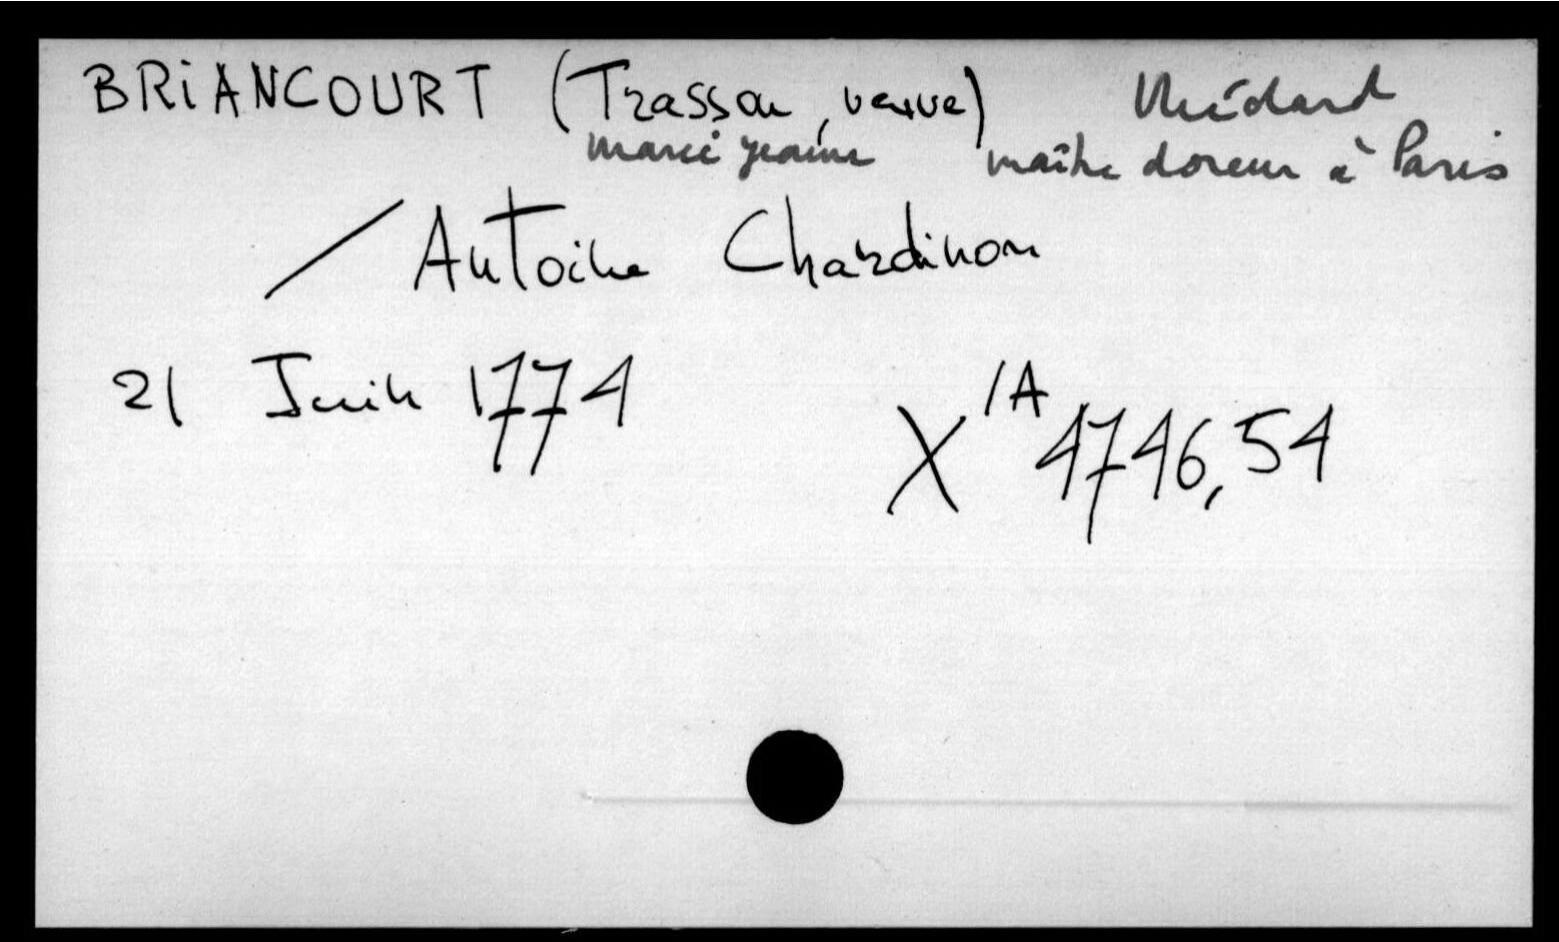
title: BRIANCOURT (Marie Jeanne TrassaI, veuve) Médart, maître doreur à Paris
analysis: Contre Antoine Chardinon
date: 21 juin 1774
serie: X1A
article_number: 4746
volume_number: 54
